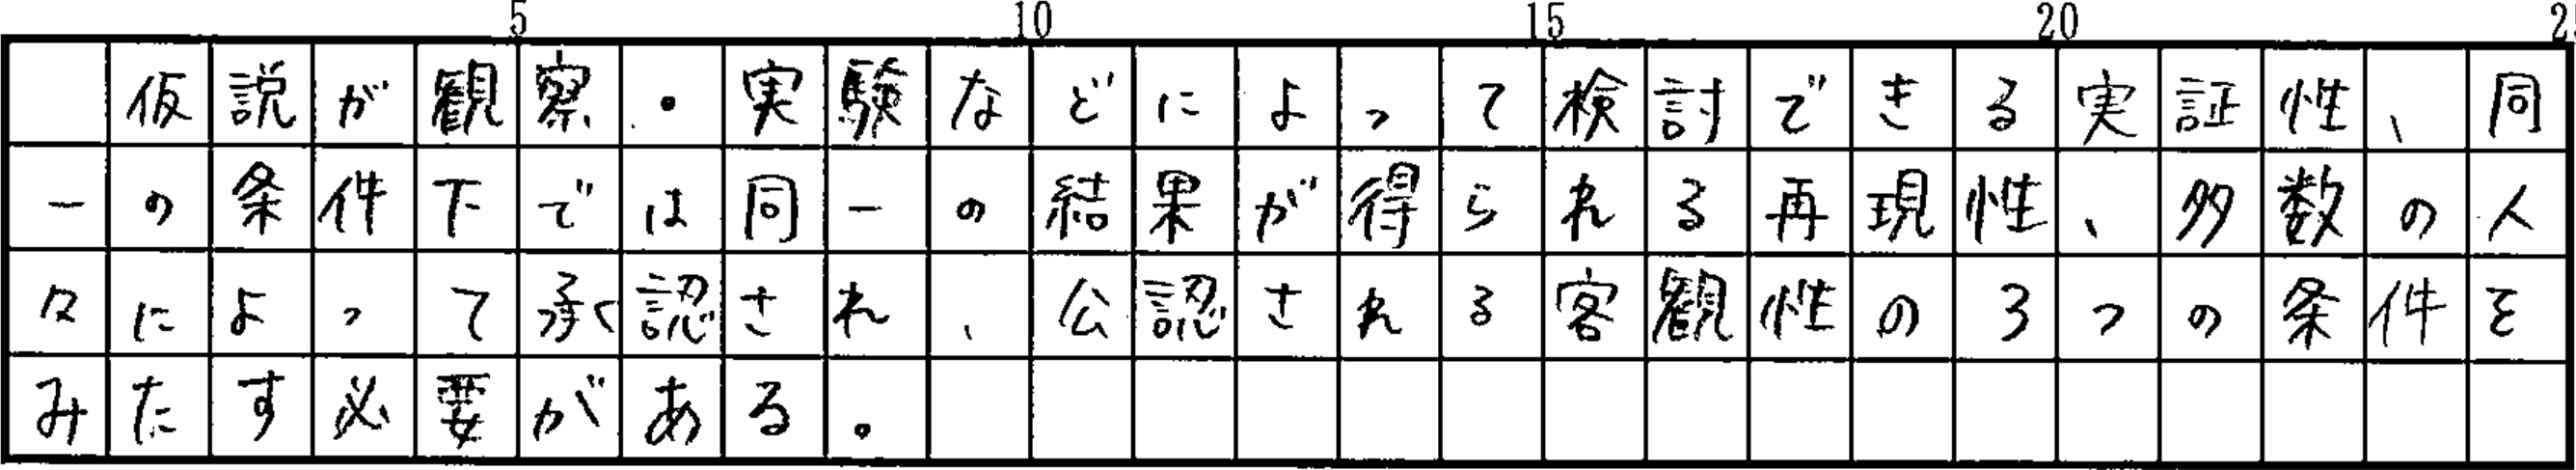　仮説が観察・実験などによって検討できる実証性、同一の条件下では同一の結果が得られる再現性、多数の人々によって承認され、公認される客観性の３つの条件をみたす必要がある。
